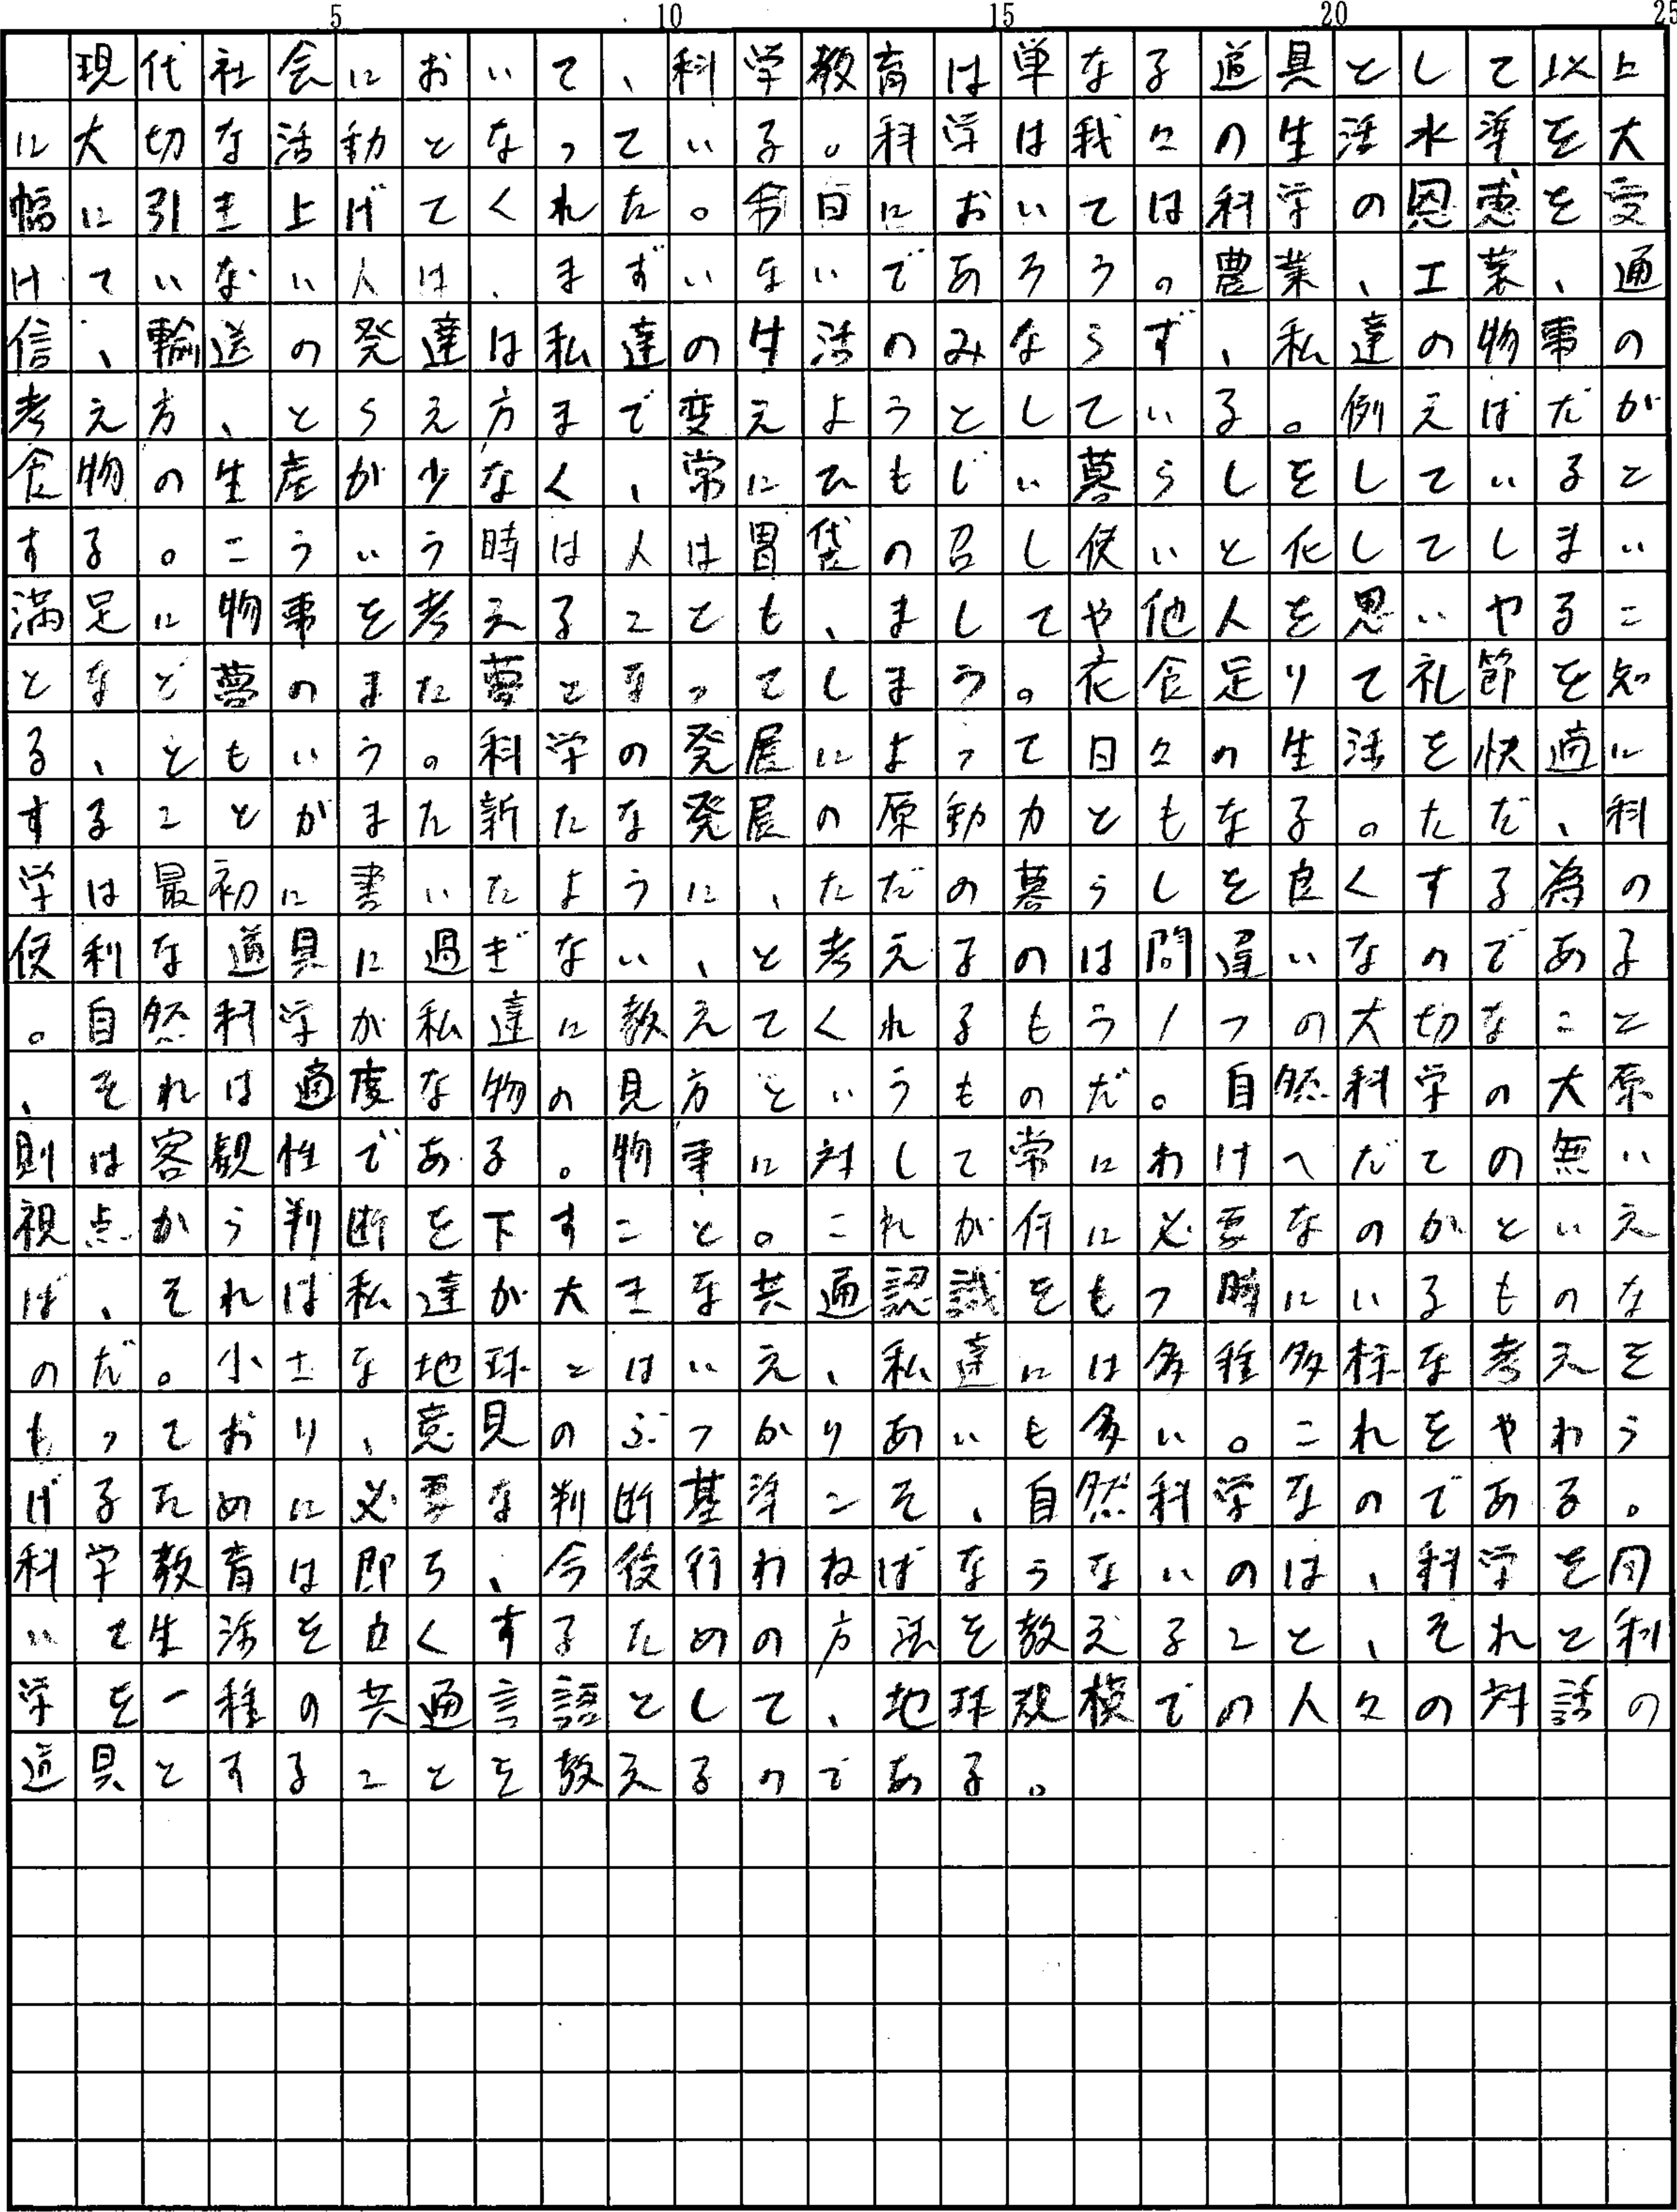　現代社会において、科学教育は単なる道具として以上に大切な活動となっている。科学は我々の生活水準を大幅に引き上げてくれた。今日においては科学の恩▁を受けていない人は、まずいないであろう。農業、工業、通信、輸送の発達は私達の生活のみならず、私達の物事の考え方、とらえ方まで変えようとしている。例えばだが食物の生産が少なく、常にひもじい暮らしをしているとする。こういう時は人は胃袋の召し使いと化してしまい満足に物事を考えることも、ましてや他人を思いやることなど夢のまた夢となってしまう。衣食足りて礼節を知る、ともいう。科学の発展によって日々の生活を快適にすることがまた新たな発展の原動力ともなる。ただ、科学は最初に書いたように、ただの暮らしを良くする為の便利な道具に過ぎない、と考えるのは間違いなのである。自然科学が私達に教えてくれるもう１つの大切なこと、それは適度な物の見方というものだ。自然科学の大原則は客観性である。物事に対して常にわけへだての無い視点から判断を下すこと。これが何に必要なのかといえば、それは私達が大きな共通認識をもつ時にいるものなのだ。小さな地球とはいえ、私達には多種多様な考えをもっており、意見のぶつかりあいも多い。これをやわらげるために必要な判断基準こそ、自然科学なのである。科学教育は即ち、今後行わねばならないのは、科学を用いて生活を▁くするための方法を教えること、それと科学を一種の共通言語として、地球規模での人々の対話の道具とすることを教えるのである。
